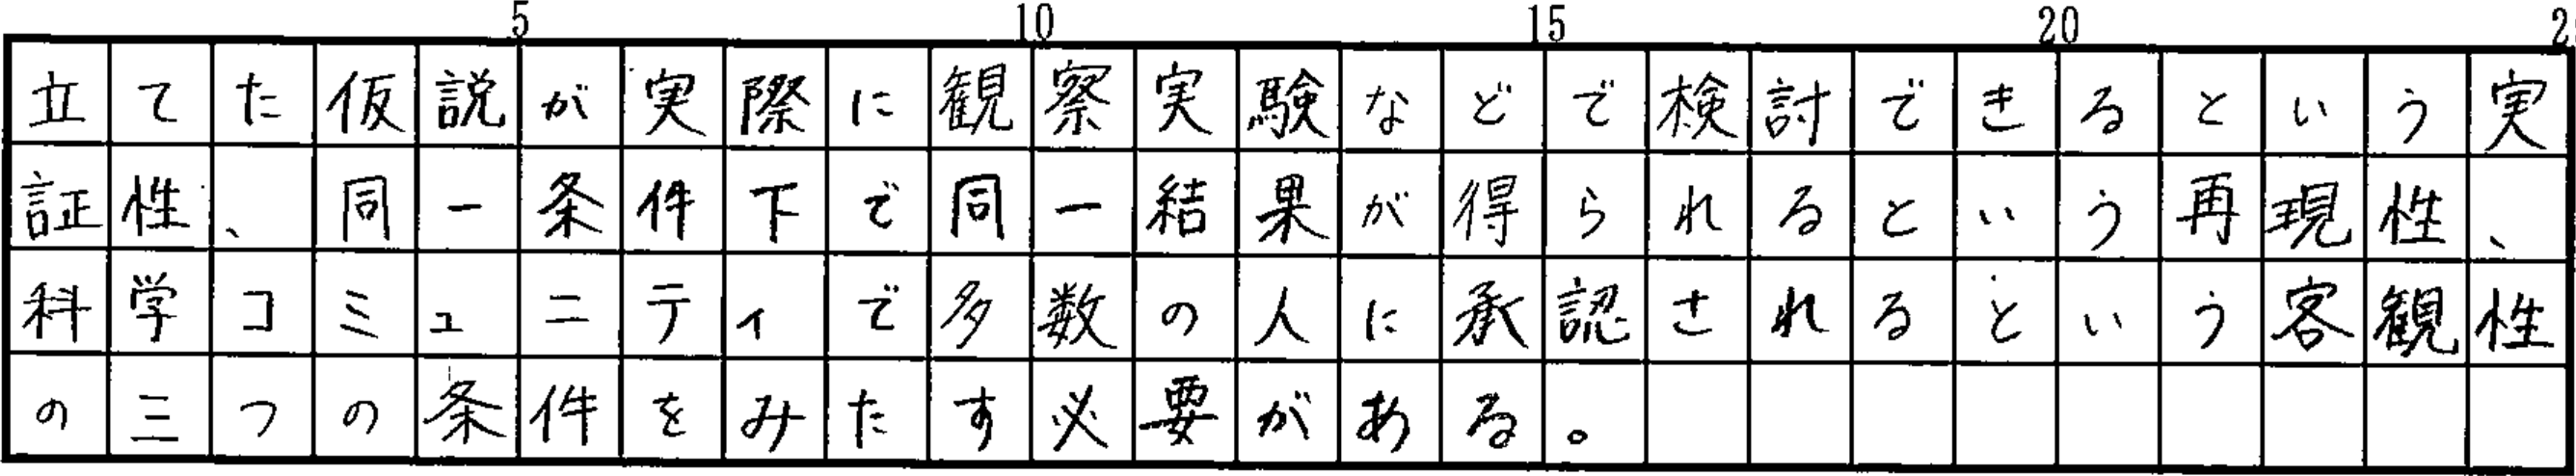立てた仮説が実際に観察実験などで検討できるという実証性、同一条件下で同一結果が得られるという再現性、科学コミュニティで多数の人に承認されるという客観性の三つの条件をみたす必要がある。
